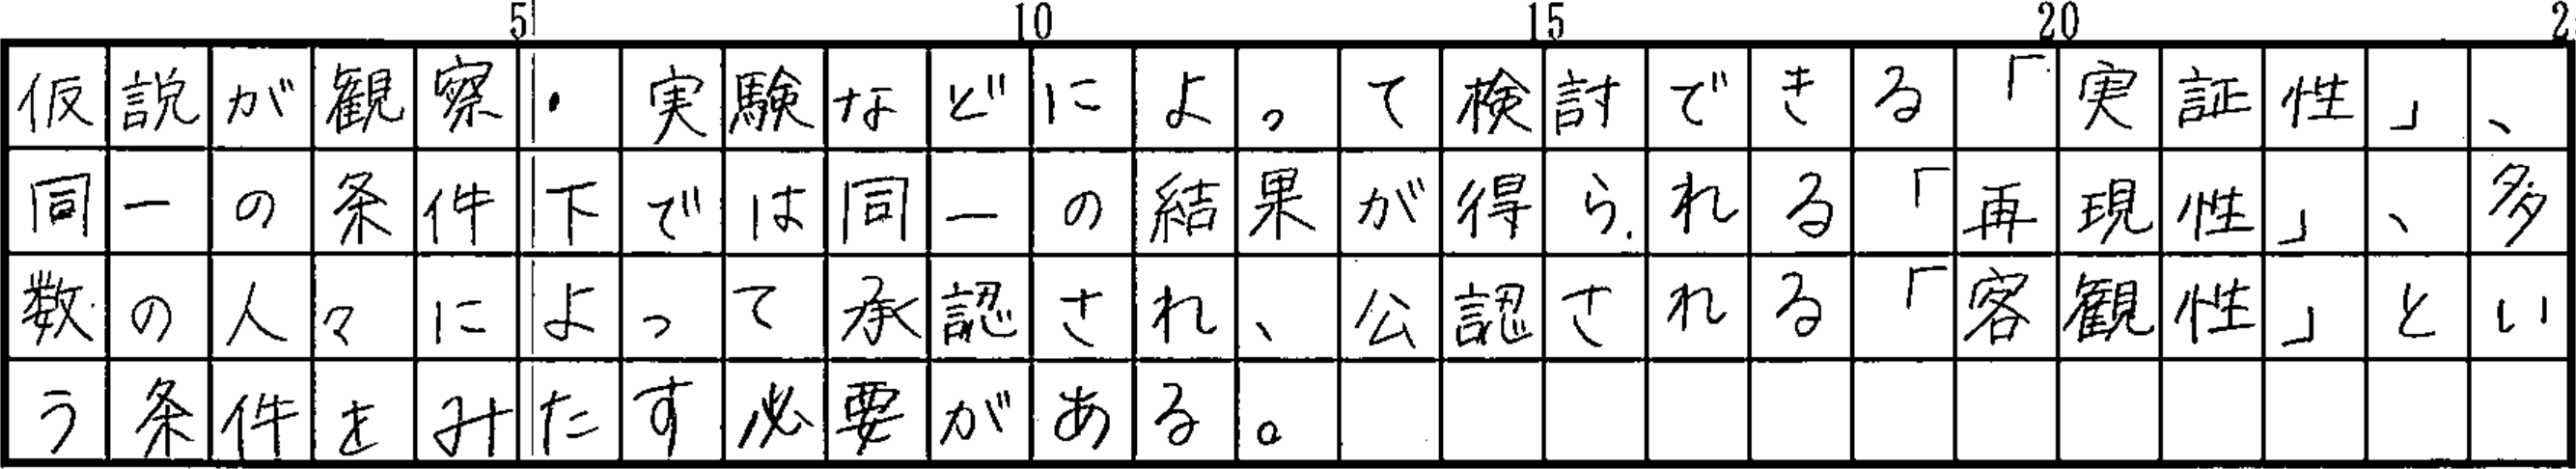仮説が観察・実験などによって検討できる「実証性」、同一の条件下では同一の結果が得られる「再現性」、多数の人々によって承認され、公認される「客観性」という条件をみたす必要がある。
